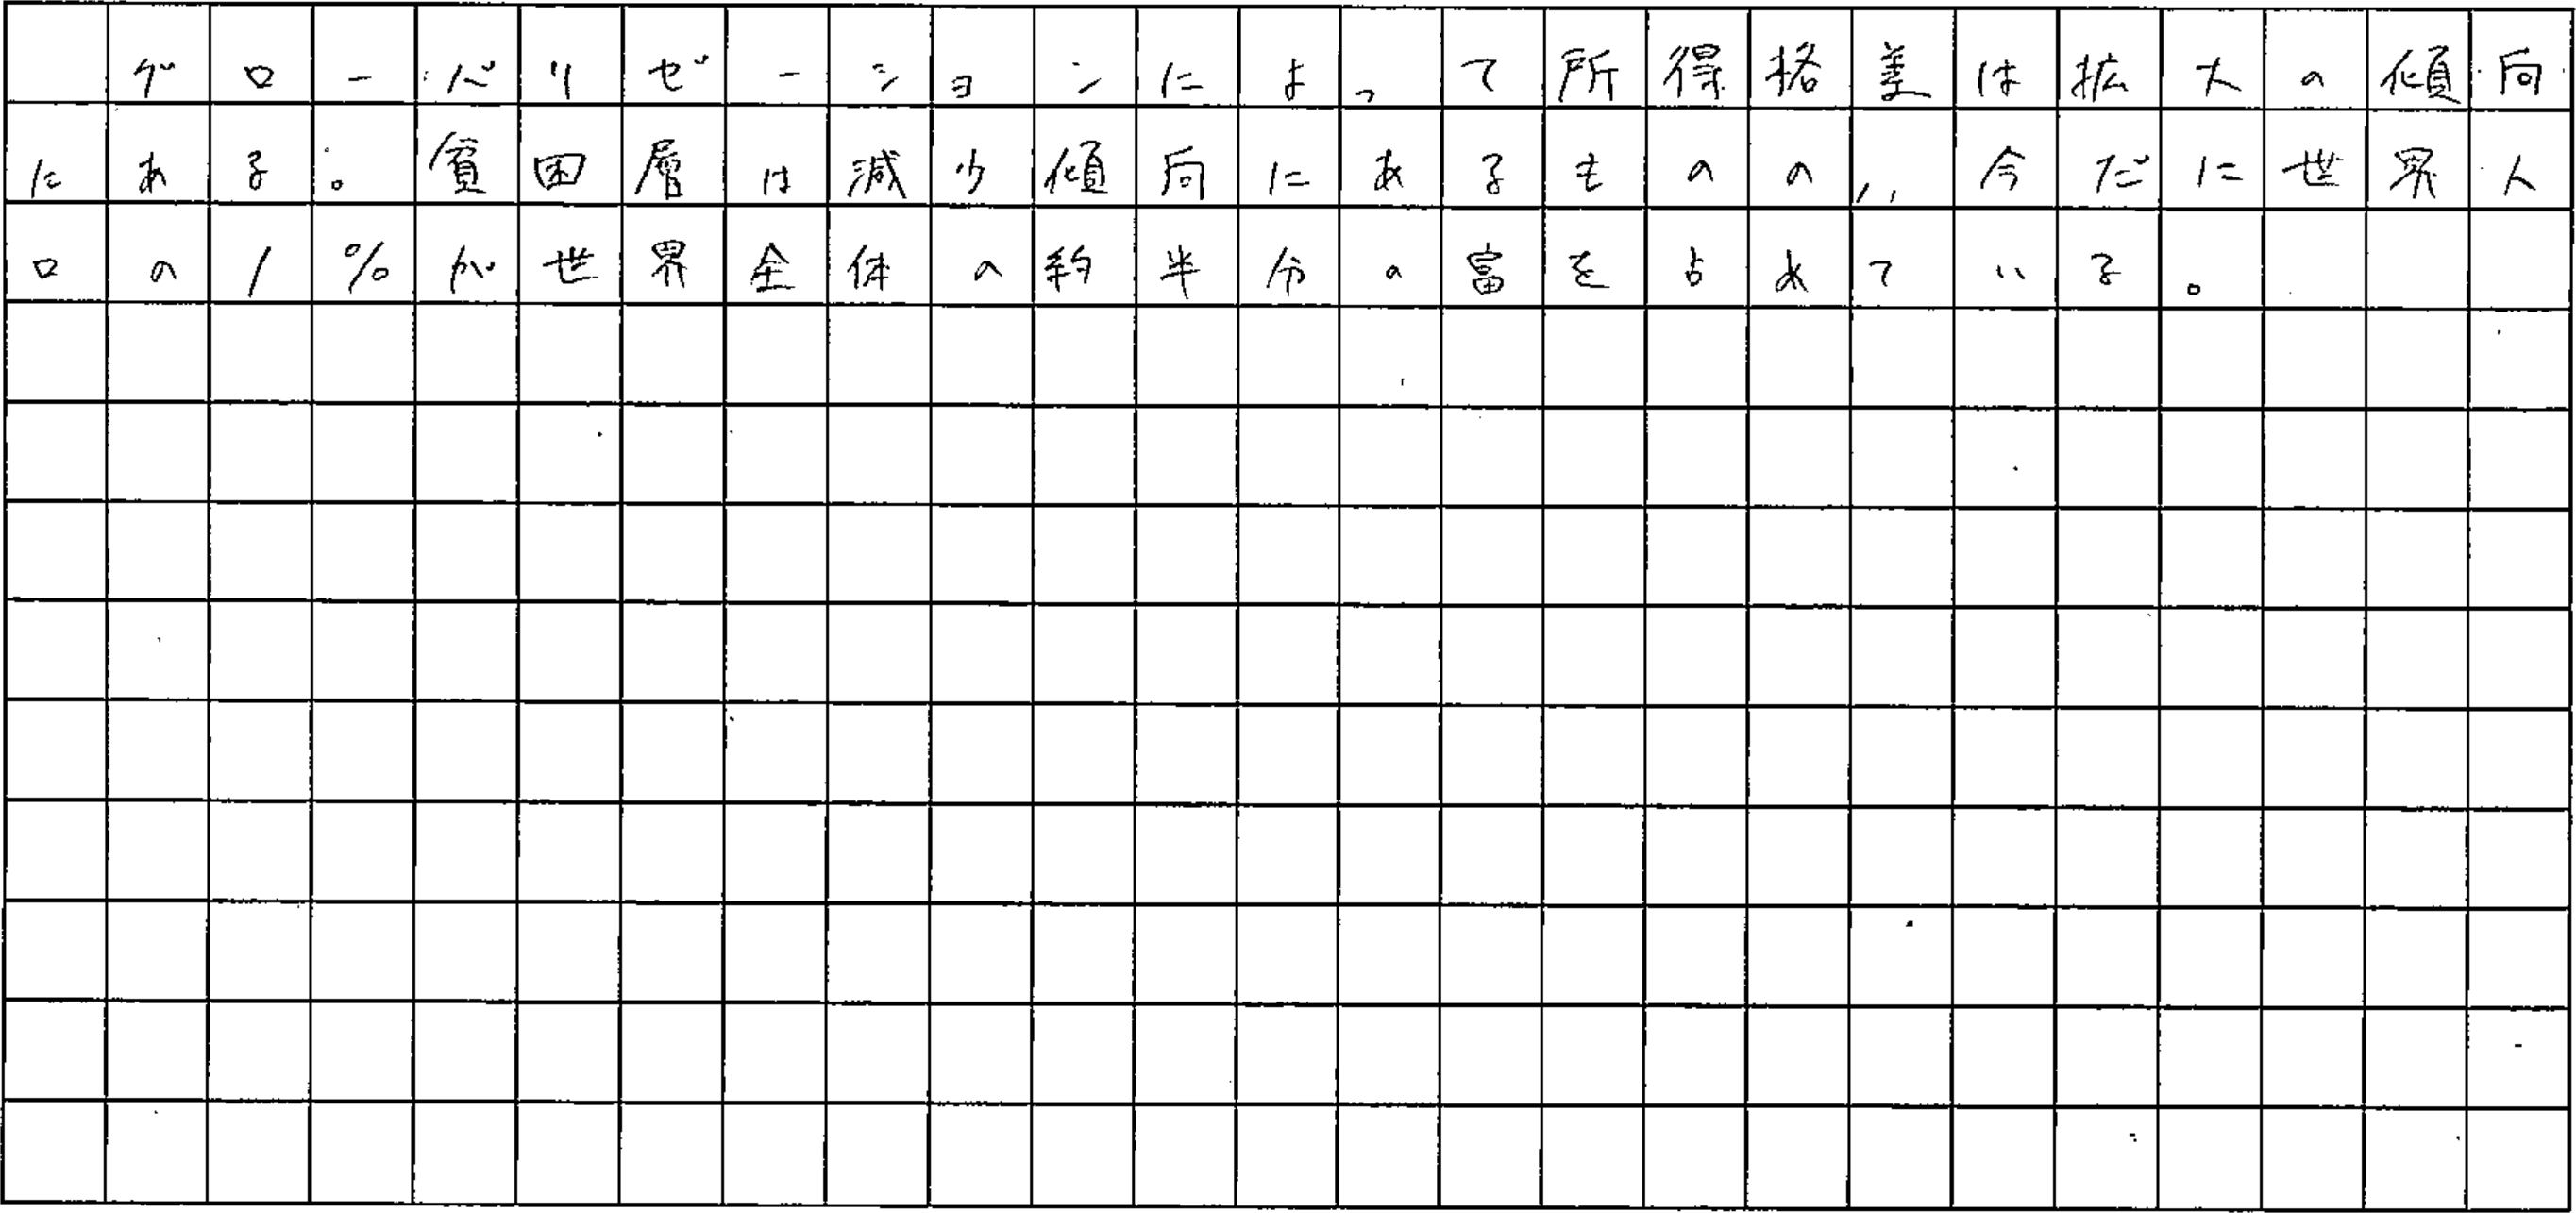　グローバリゼーションによって所得格差は拡大の傾向にある。貧困層は減少傾向にあるものの、今だに世界人口の１％が世界全体の約半分の富を占めている。
